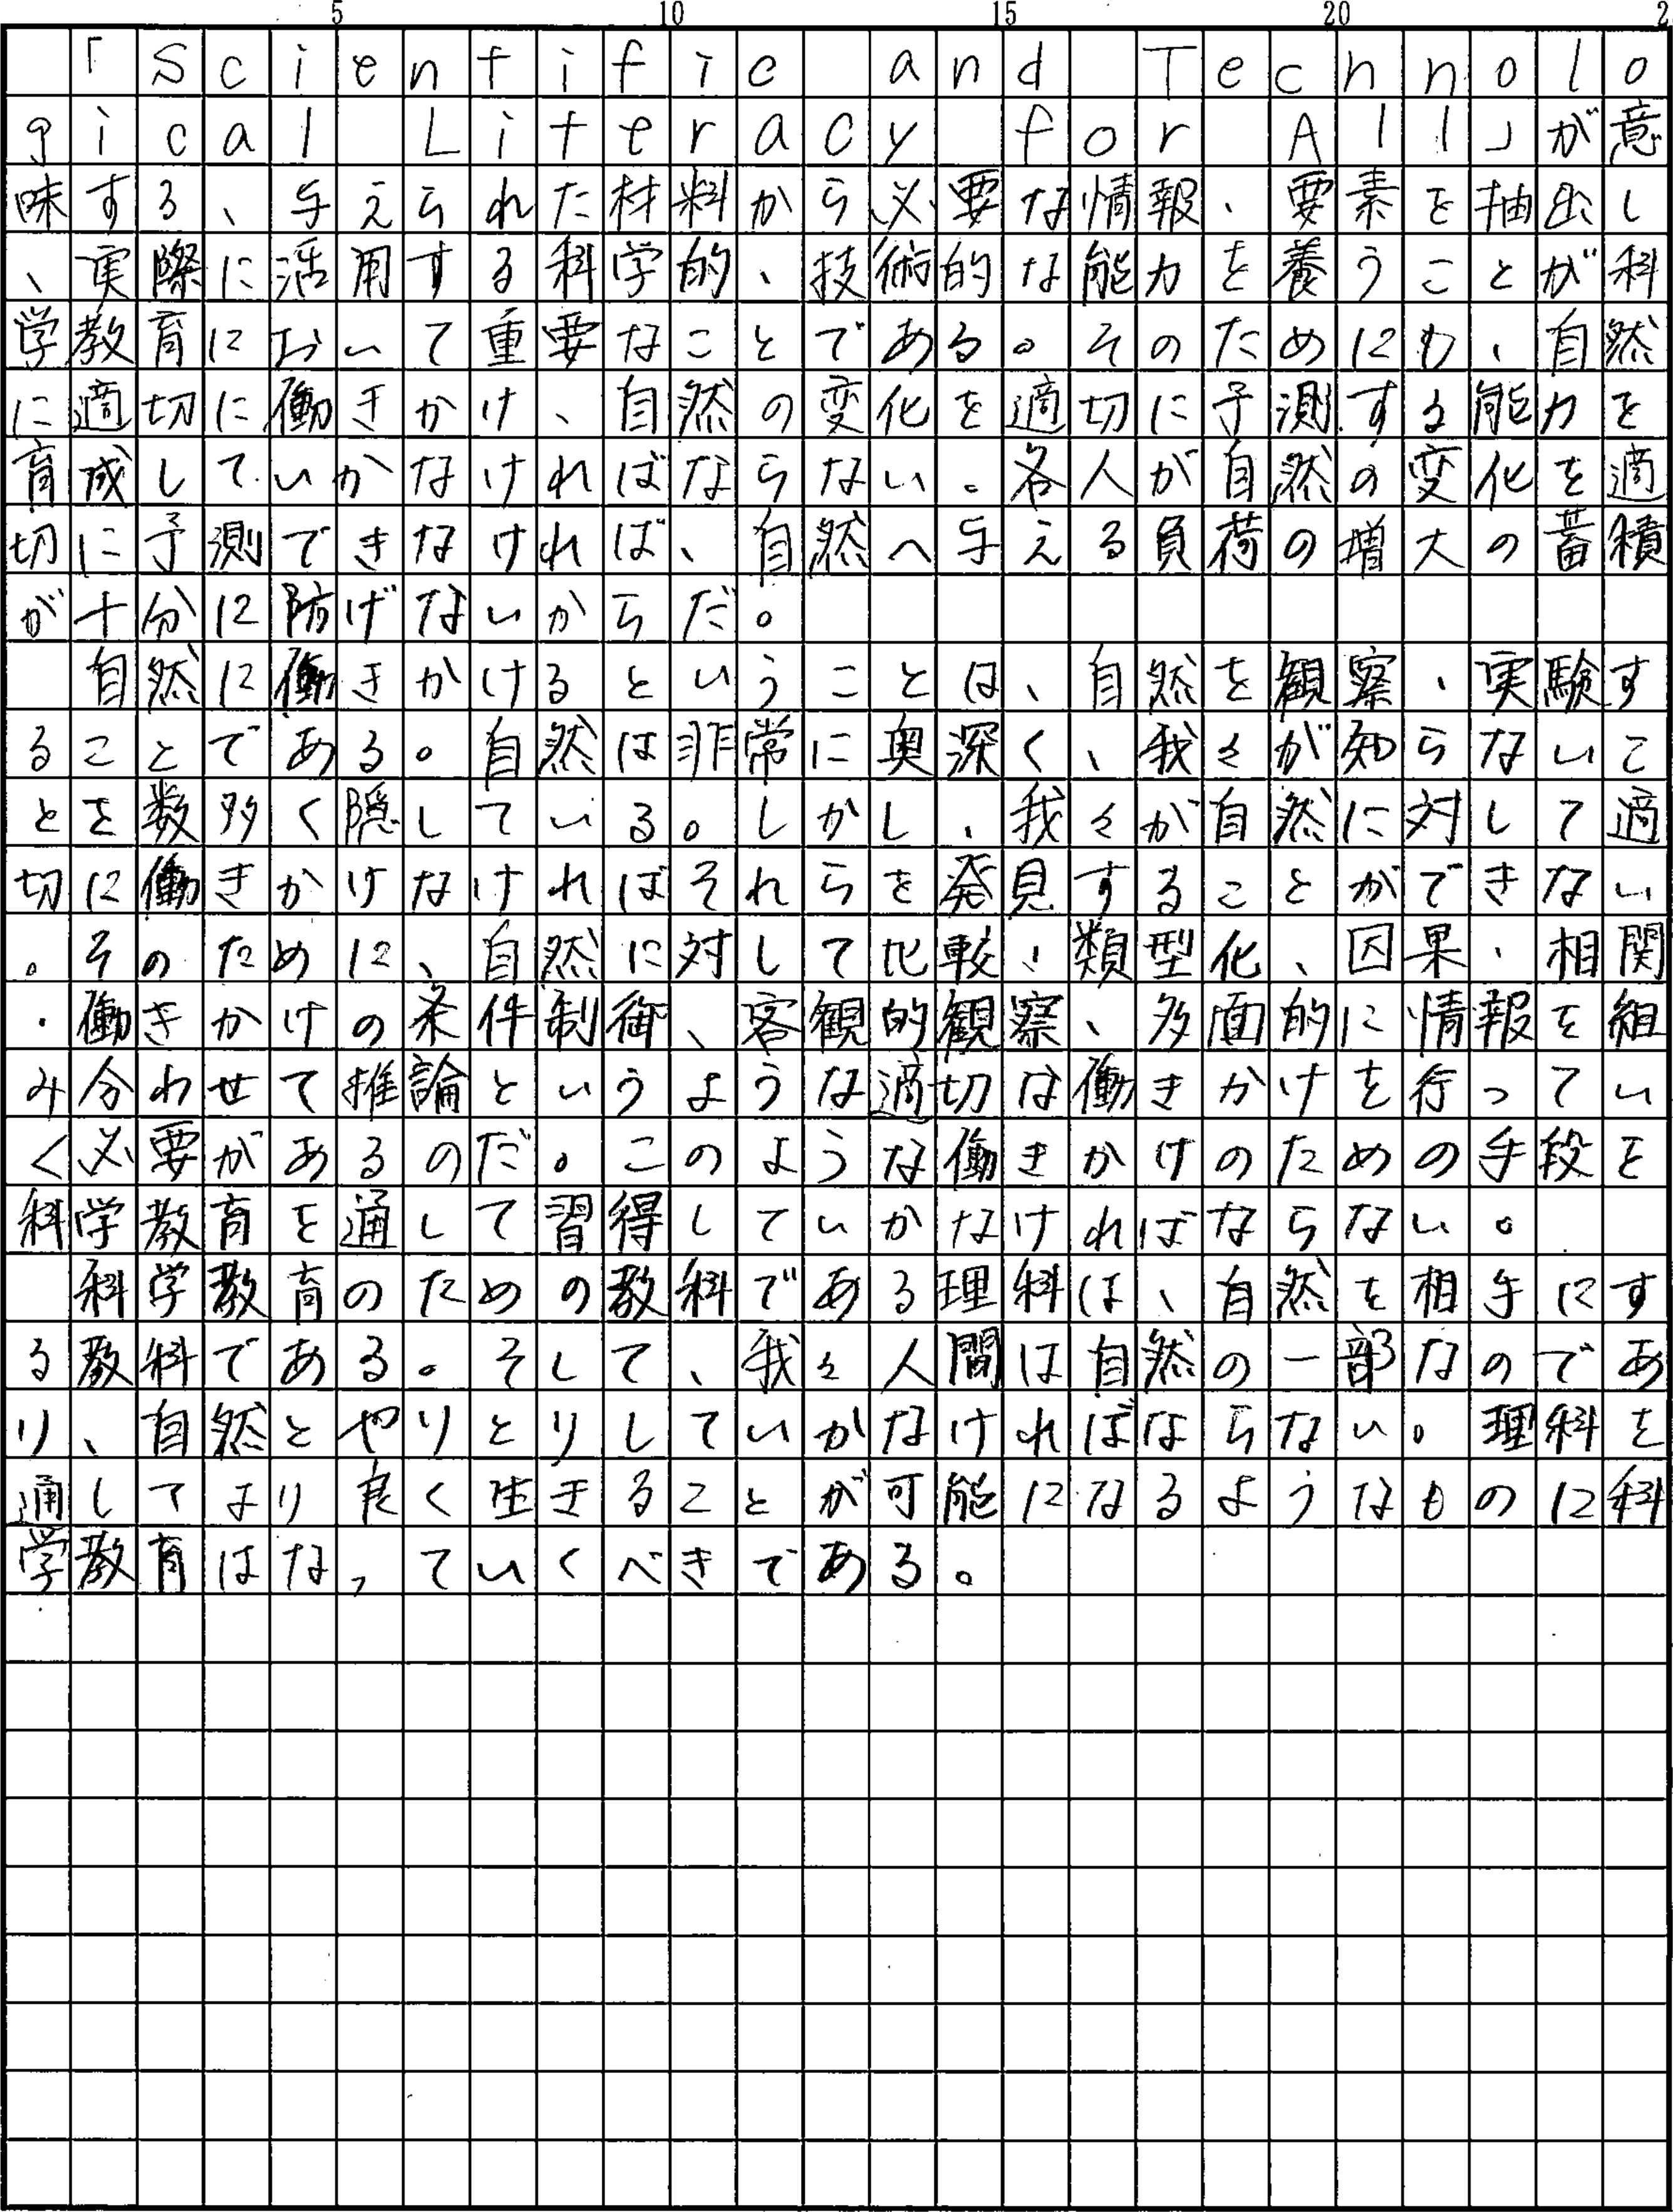　「Ｓｃｉｅｎｔｉｆｉｃ　ａｎｄ　Ｔｅｃｈｎｏｌｏｇｉｃａｌ　Ｌｉｔｅｒａｃｙ　ｆｏｒ　Ａｌｌ」が意味する、与えられた材料から必要な情報・要素を抽出し、実際に活用する科学的・技術的な能力を養うことが科学教育において重要なことである。そのためにも、自然に適切に働きかけ、自然の変化を適切に予測する能力を育成していかなければならない。各人が自然の変化を適切に予測できなければ、自然へ与える負荷の増大の蓄積が十分に防げないからだ。
　自然に働きかけるということは、自然を観察・実験することである。自然は非常に奥深く、我々が知らないことを数多く隠している。しかし、我々が自然に対して適切に働きかけなければそれらを発見することができない。そのために、自然に対して比較・類型化・因果・相関・働きかけの条件制御、客観的観察、多面的に情報を組み合わせて推論というような適切な働きかけを行っていく必要があるのだ。このような働きかけのための手段を科学教育を通して習得していかなければならない。
　科学教育のための教科である理科は、自然を相手にする教科である。そして、我々人間は自然の一部なのであり、自然とやりとりしていかなければならない。理科を通してより良く生きることが可能になるようなものに科学教育はなっていくべきである。
